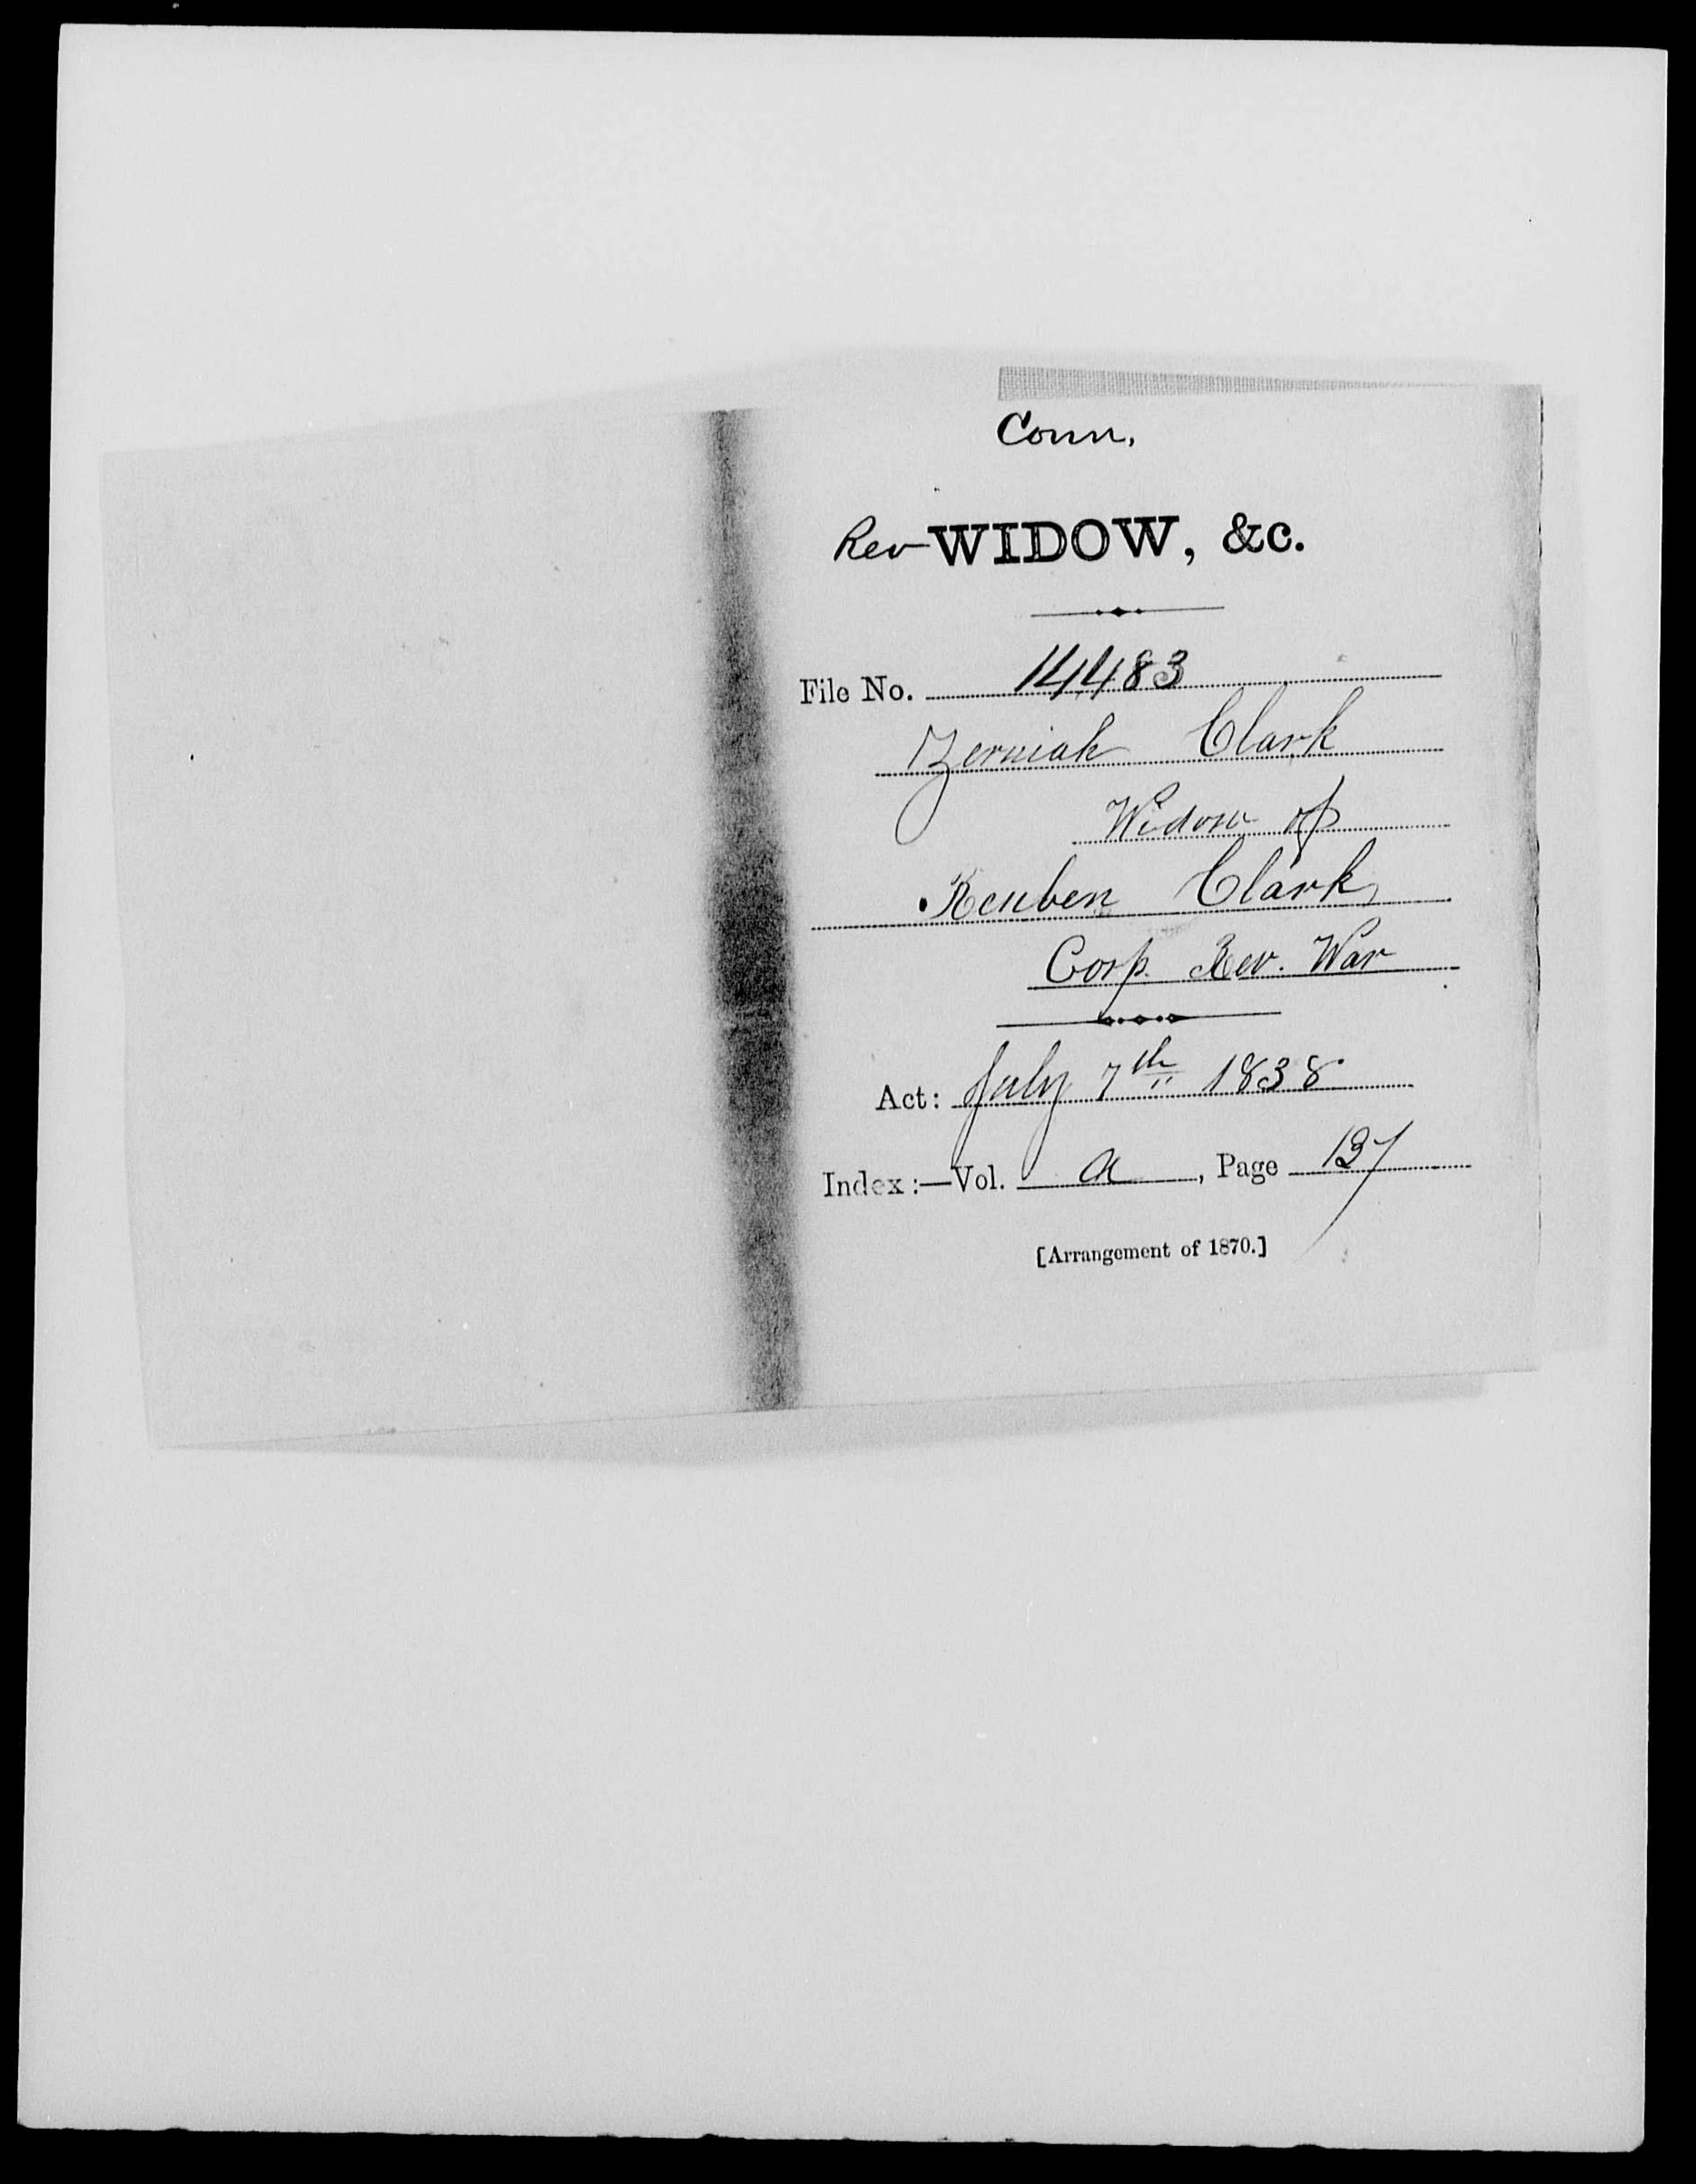[printed form and completed in handwriting]
Conn.

Rev Widow, &c

File No. 14483
Zeruiah Clark
Widow of 
Reuben Clark, 
Corp. Rev. War
Act: July 7th, 1838
Index: - Vol. A, Page 137
[Arrangement of 1870.]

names: Zeruiah Clark, Reuben Clark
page: 23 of 26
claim: widow's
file: W. 14483, Reuben Clark, Conn.